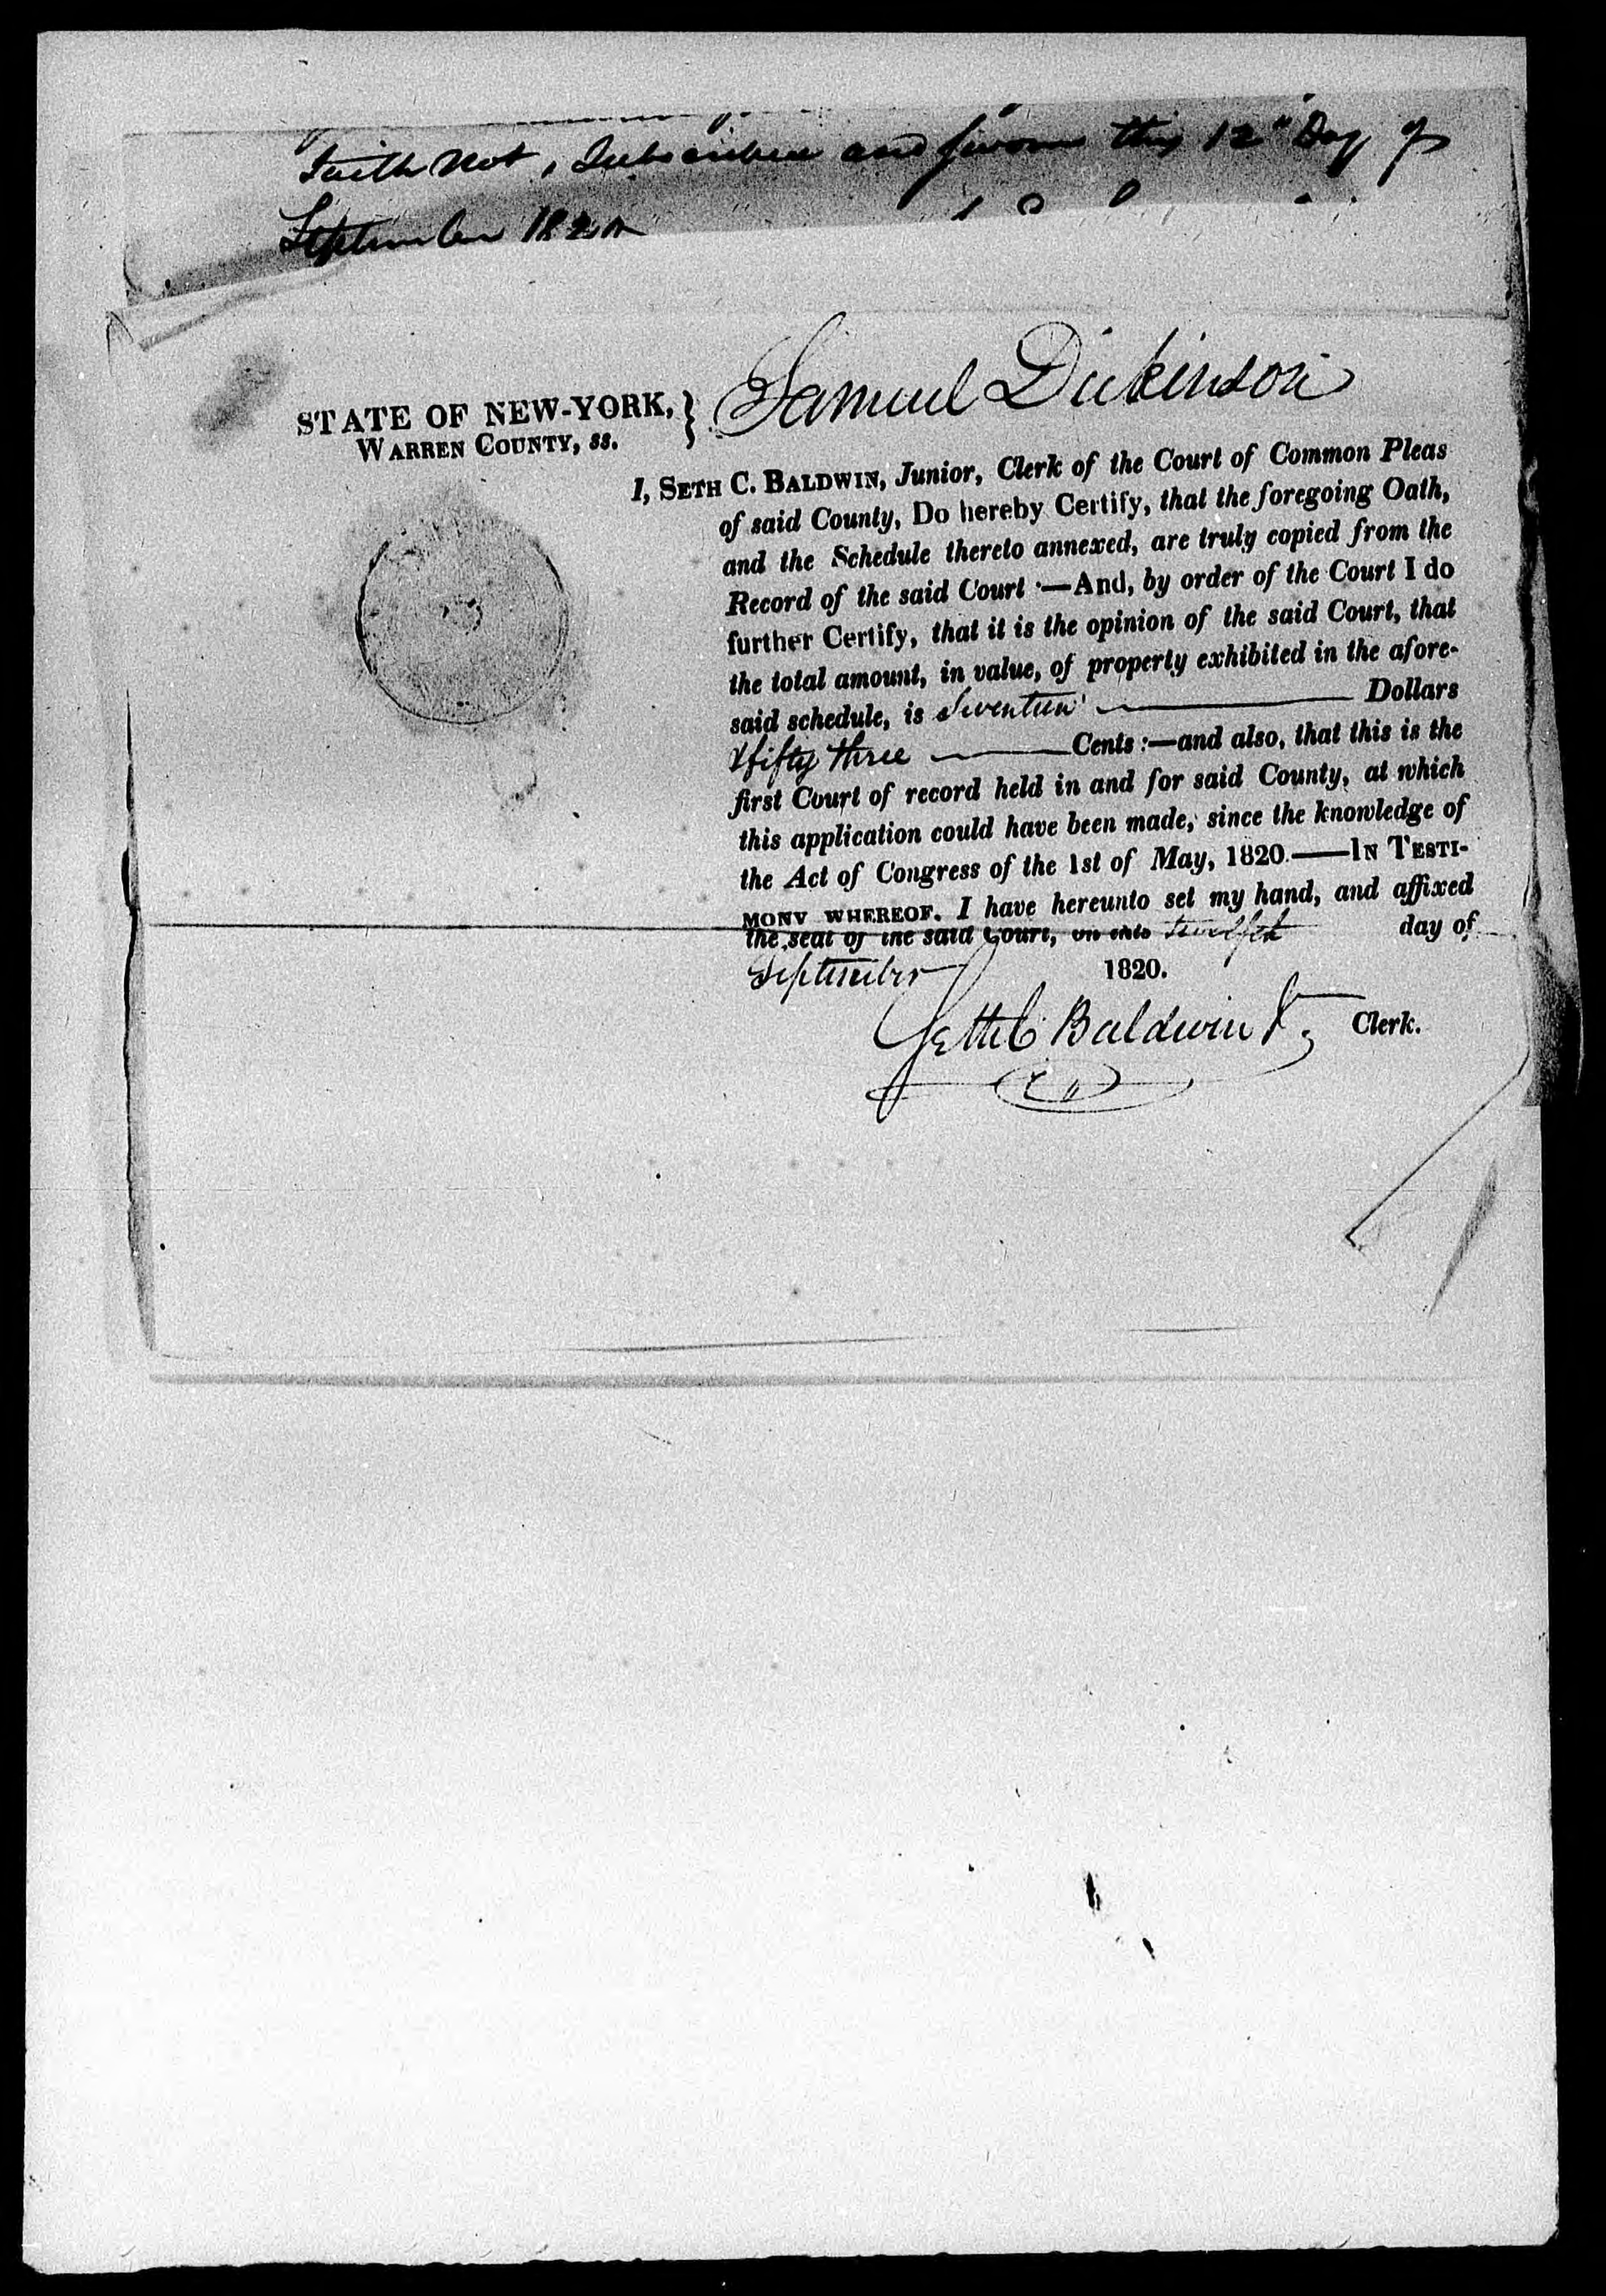with do
.
STATE OF NEW YORK, Samuel Dickinson
WARREN COUNTY, SS.
SETH C. BALDWIN, Junior Clerk of the Court of Common Pleas
of said County, Do hereby Certify, that the foregoing oath,
and the Schedule thereto annexed, are truly copied from the
Record of the said Court -- And, by order of the Court I do
further Certify, that it is the opinion of the said Court, that the
Total amount, in value, of property exhibited in the afore
said schedule is Seventeen
Dollars Fifty three cents, and also, that this is the first court of record and for said County, at which this application could have been made, since the knowledge of
the Act of Congress of the 1st of May, 1820 -- IN TESTIMONY WHEREOF, I have hereunto set my hand, and affixed
the seat of the said Court, on the twelfth
day of
September
1820.
Seth C. Baldwin & Clerk
&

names: Seth C Baldwin, Samuel Dickinson, Seth C Baldwin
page: 6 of 60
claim: widow's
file: W 16,955, Samuel Dickinson, Conn.